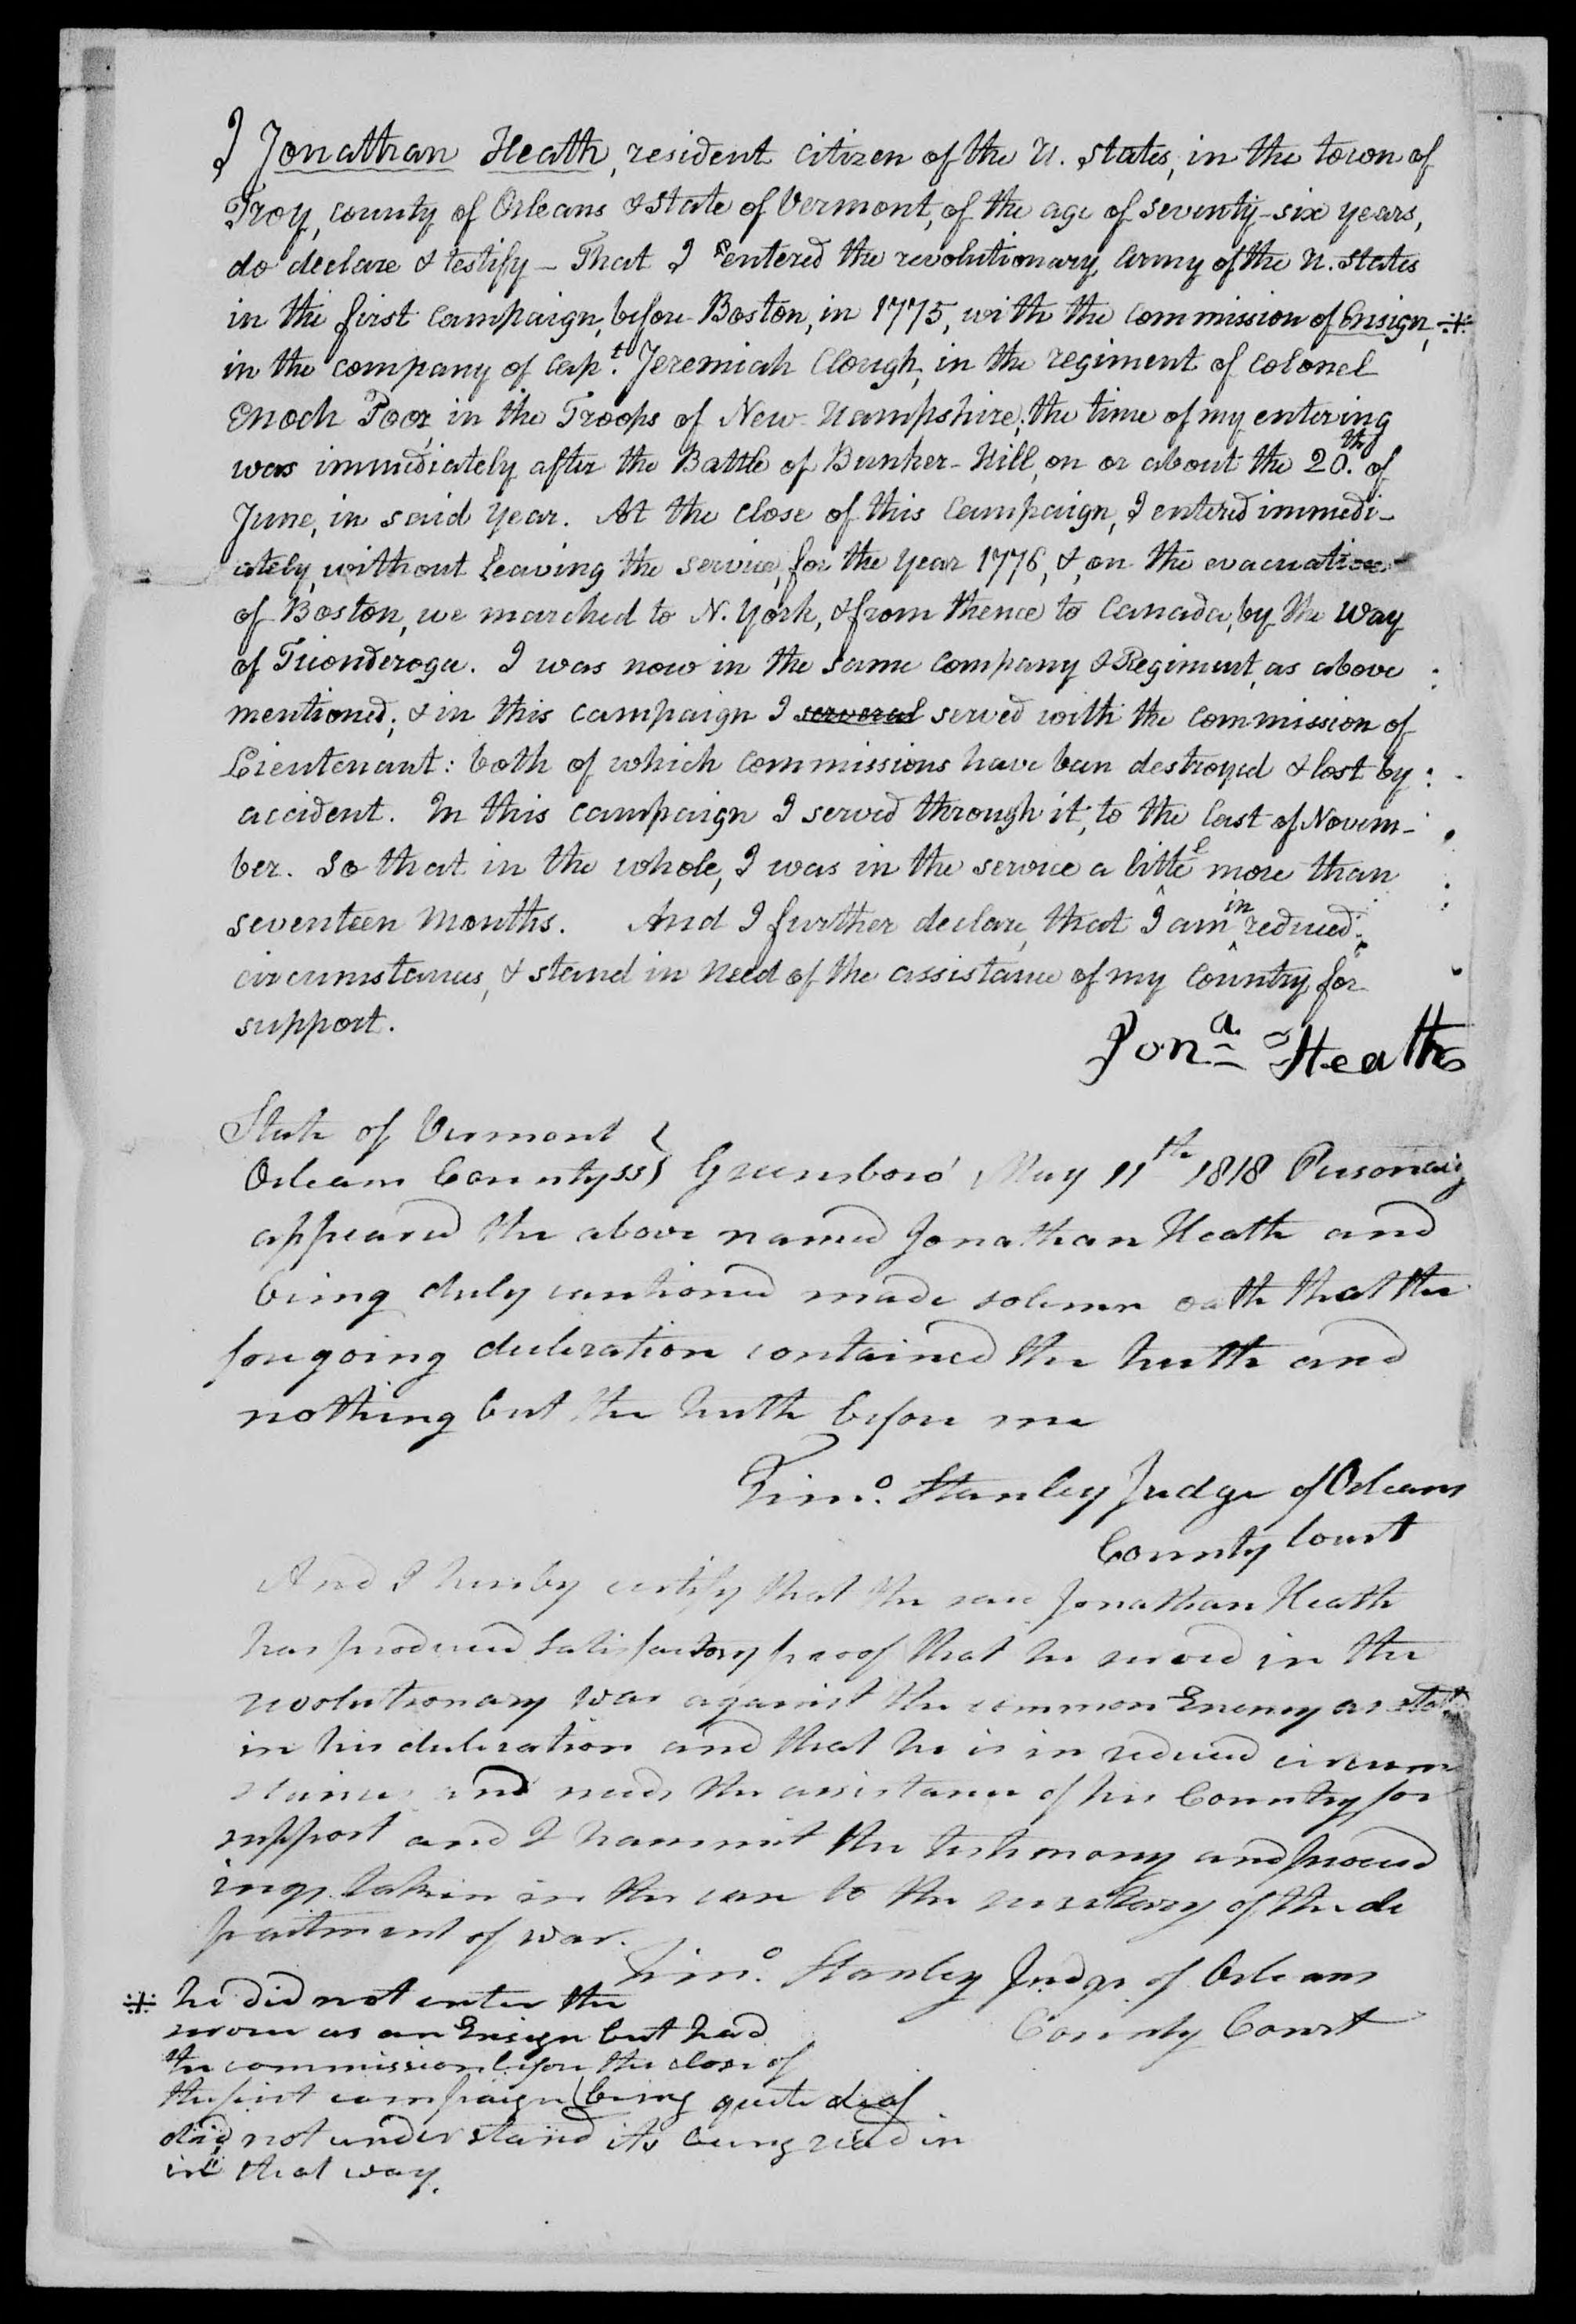I Jonathan Heath, resident citizen of the U. States, in the town of Troy, County of Orleans & State of Vermont, of the age of seventy-six years, do declare & testify. That I entered the revolutionary Army of the U. States in the first campaign, before Boston, in 1775, with the commission of Ensign in the company of Capt Jeremiah Clough in the regiment of Colonel
Enoch Poor in the Troops of New Hampshire, the time of my entering was immediately after the Battle of Bunker Hill, on or about the 20th of
June, in said year. At the close of this Campaign, I entered immediately without leaving the service, for the year 1776, & on the evacuation of Boston, we marched to N. York, & from thence to Canada, by the way of Ticonderoga. I was now in the same company & Regiment as above mentioned, & in this campaign I served with the commission of
Lieutenant. both of which commissions have been destroyed & last by accident. In this campaign I served through it, to the last of November. So that in the whole, I was in the service a little more than seventeen months.
And I further declare that I am educed
circumstances & stand in need of the assistance of my country for support.
                                            Jona Heath
State of Vermont
Orleans County & Greensboro May 11th 1818 Personally appeared the above named Jonathan Heath and being duly cautioned made solemn oath that the foregoing declaration contained the truth and nothing but the truth before me. Tim Stanley Judge of Orleans County Court

And I hereby certify that the said Jonathan Heath has produced satisfactory proof that he served in the revolutionary war against the common enemy as state in his declaration and that he is in reduced circumstances and needs the assistance of his country for support and I submitted the testimony and proceedings taken in this case to the authority of the department of War.
Tim Stanley Judge of Orleans County Court

# He did not enter the soon as an Ensign but had In commission for the close of County Court the first campaign being quite deaf did not understand it being red in that way.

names: Jonathan Heath, Jonathan Heath, Jonathan Heath, Enoch Poor, Jona Heath, Timo Stanley, Timo Stanley, Jeremiah Clough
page: 4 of 22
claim: survivor's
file: S. 38821, Jonathan Heath, Continental N.H.